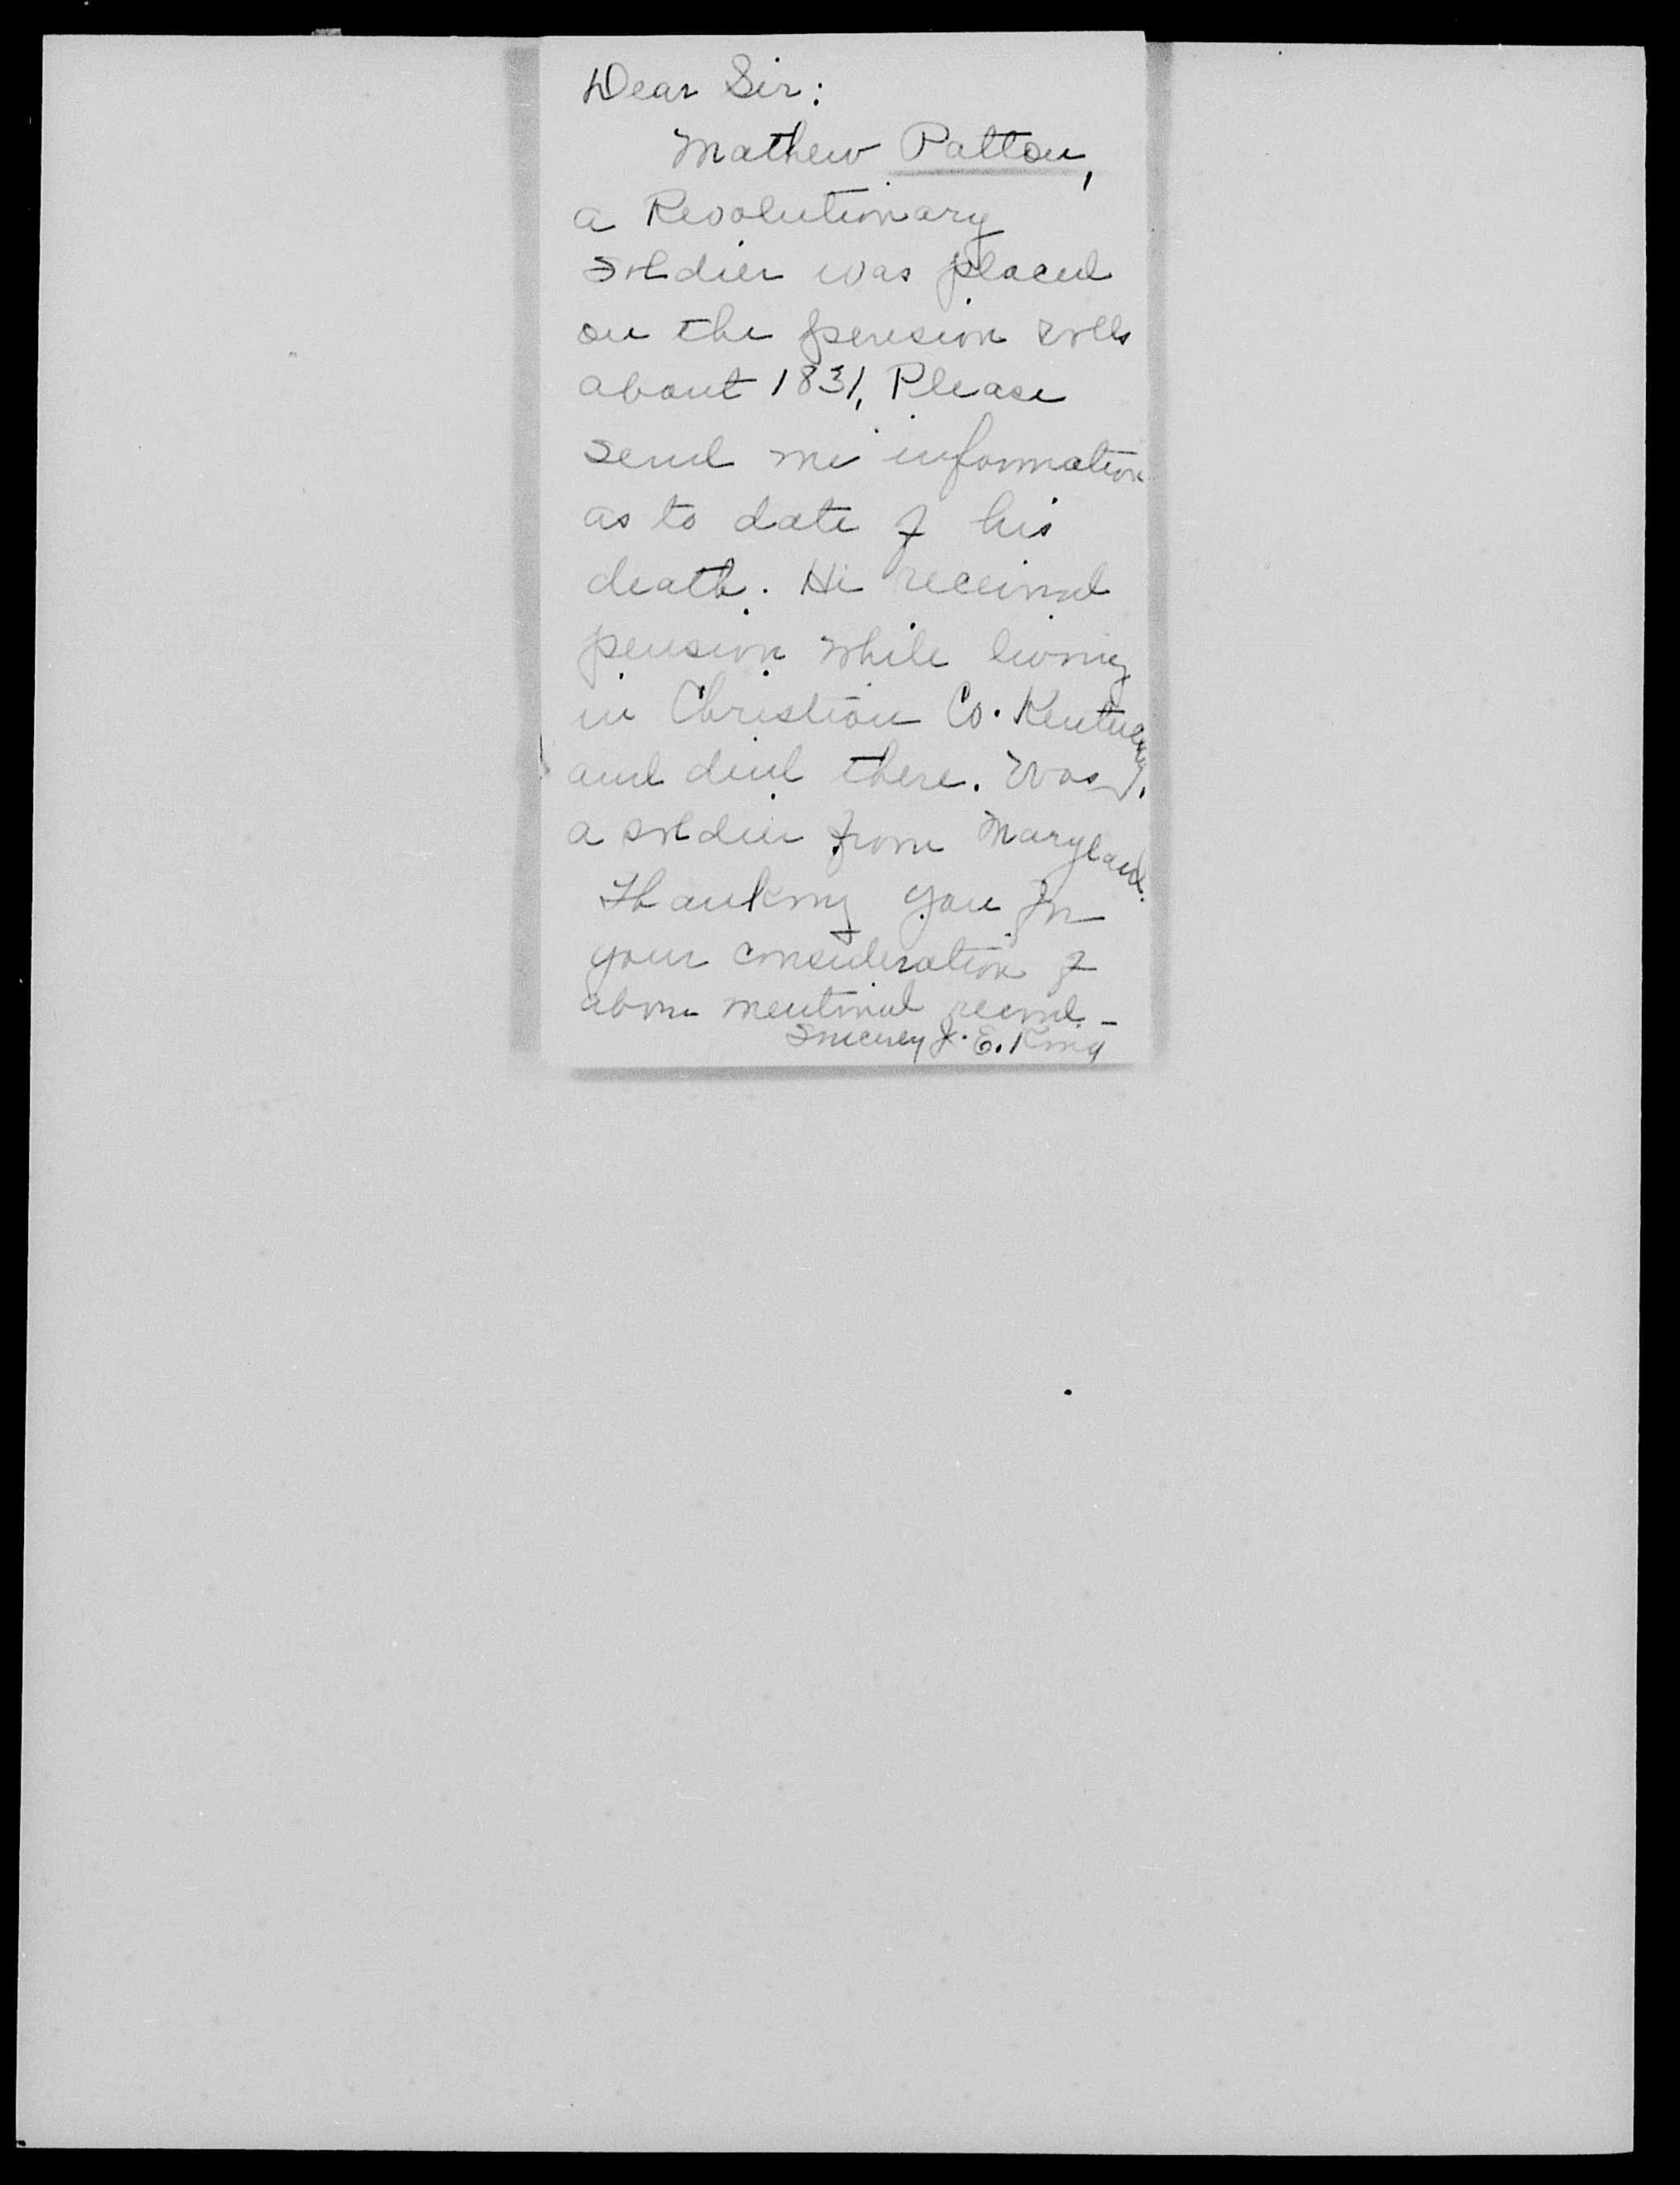Dear Sir:
Matthew Patton,
a Revolutionary Soldier was placed on the pension roll about 1831. Please send me information as to date of his death. He received pension while living in Christian Co., Kentucky, and died there. Was a soldier from Maryland.

Thanking you for your consideration, I am meantime yours –
Mrs. Lucinda G. Young
Chicago Heights, Illinois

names: Mathew Patton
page: 30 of 45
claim: survivor's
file: S. 31294, for Matthew Patton, Maryland